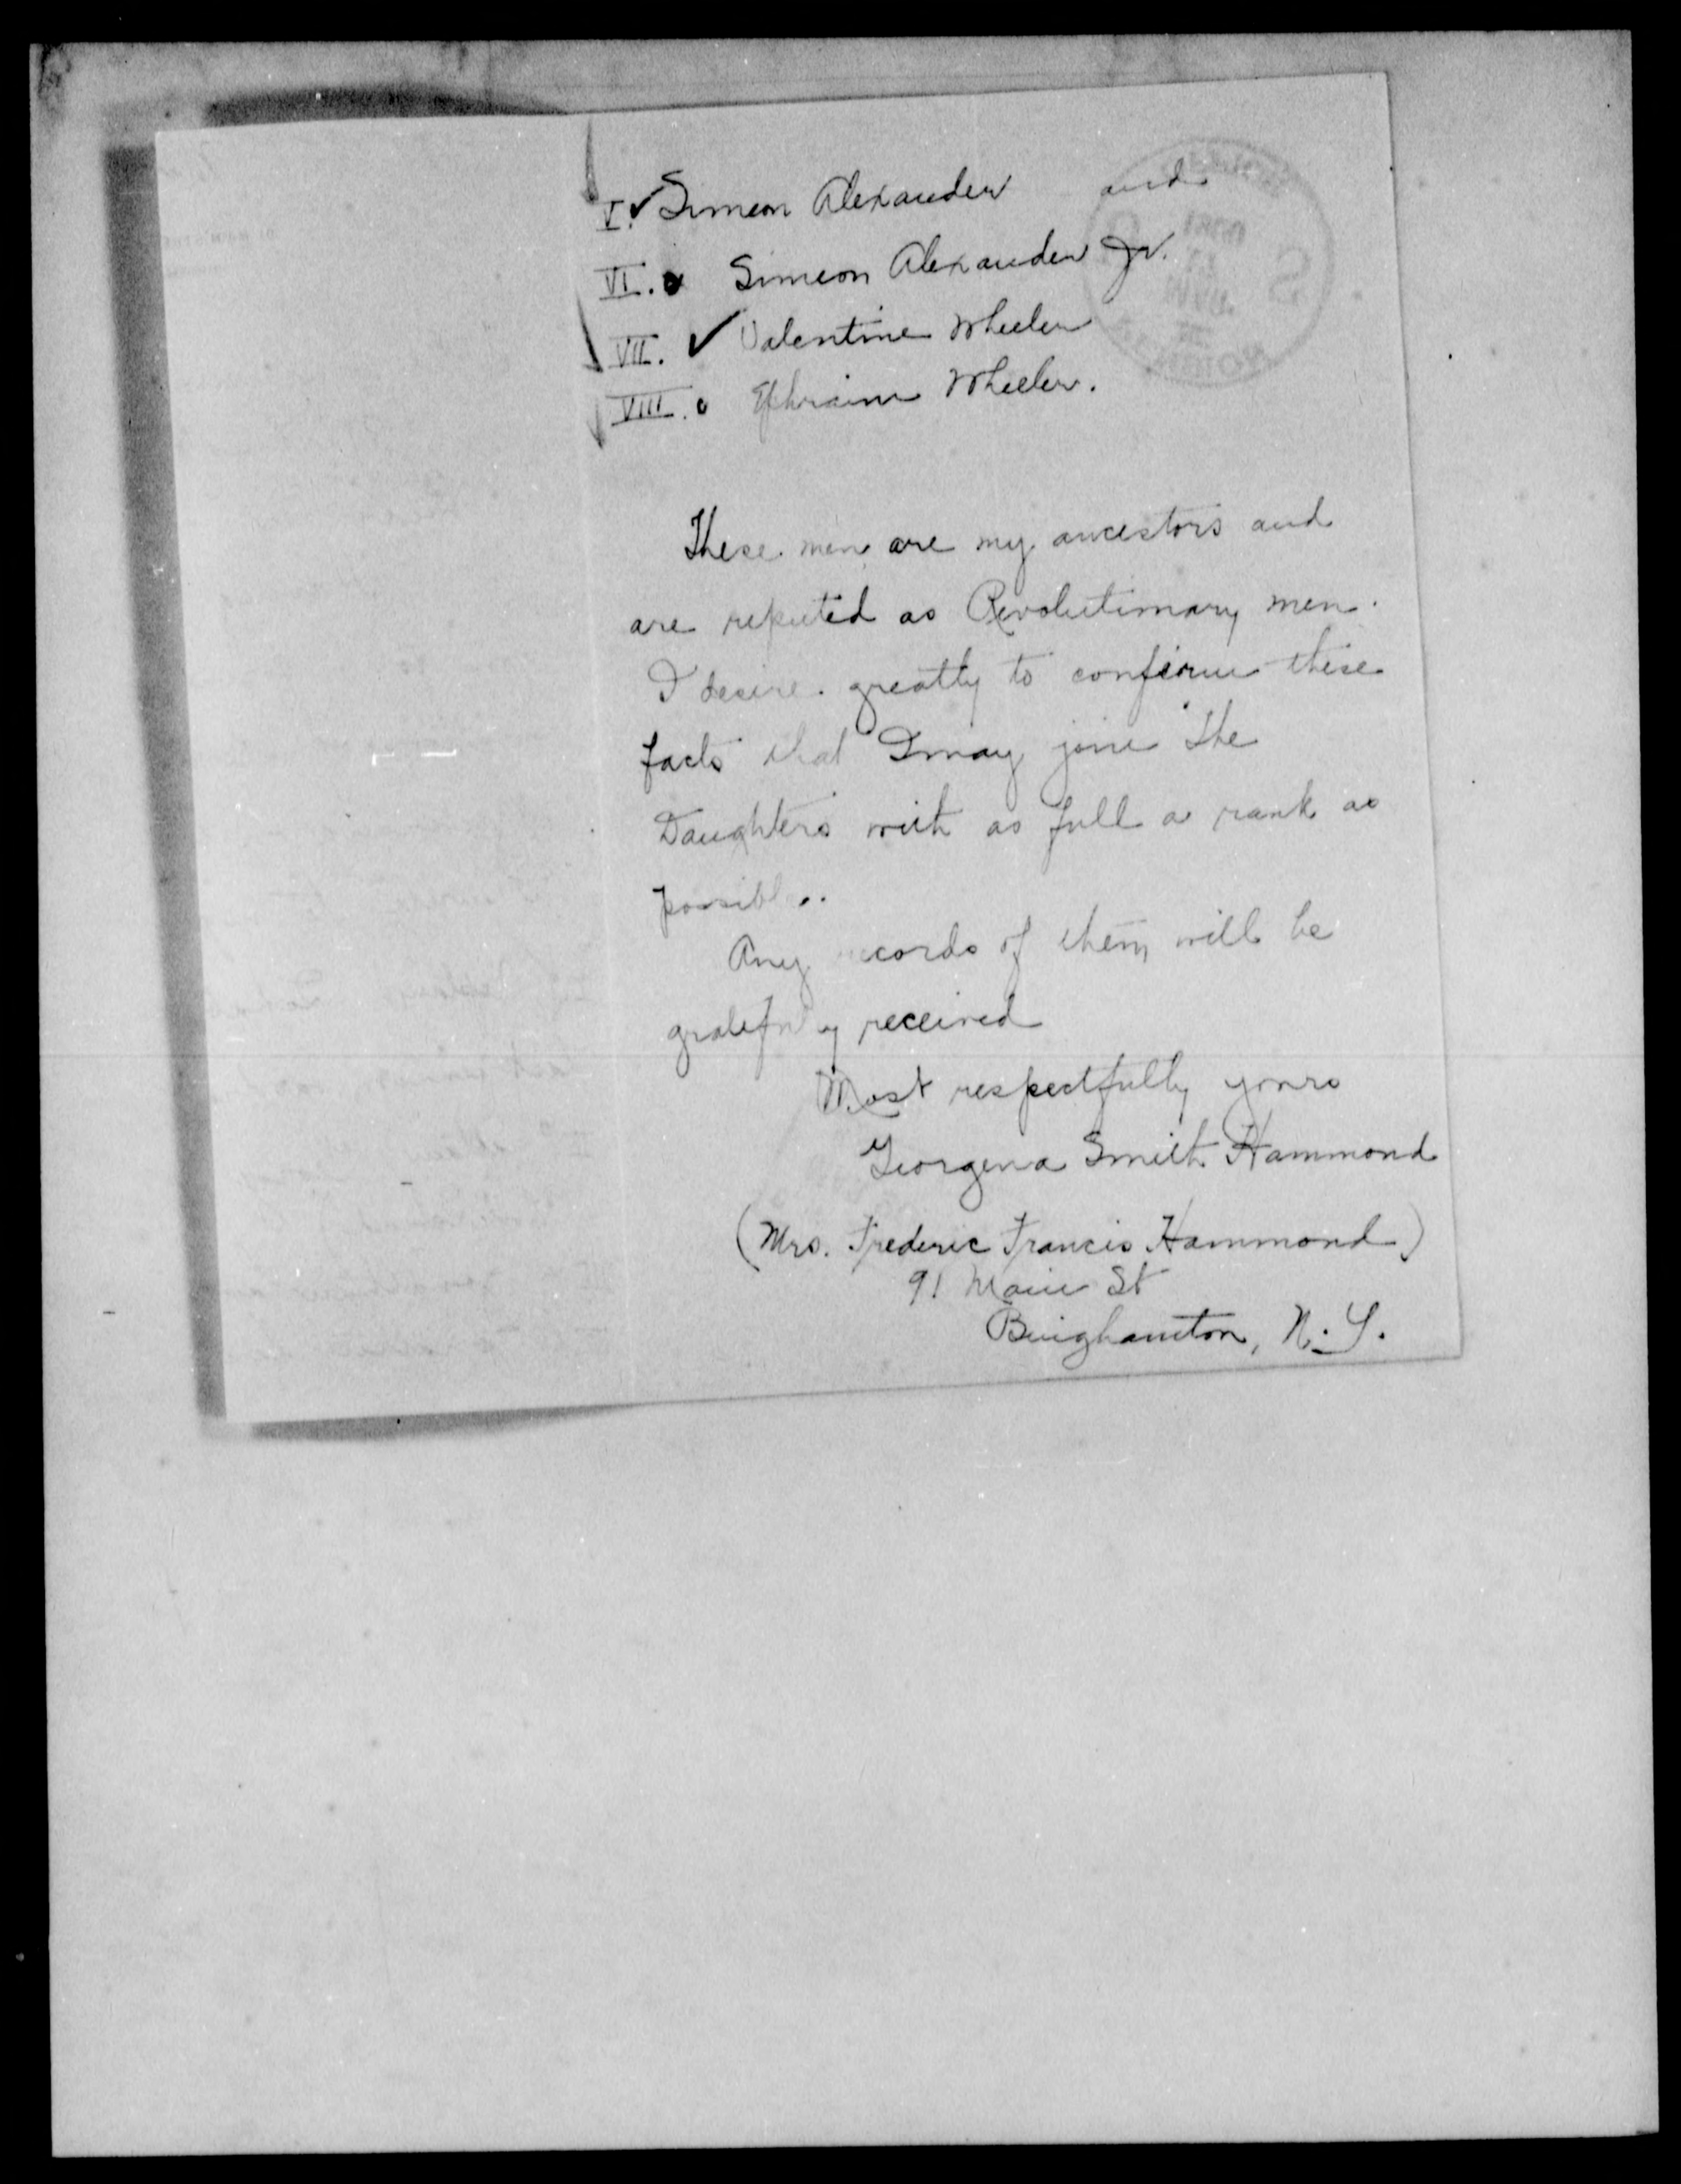V. Simeon Alexander and
VI. Simeon Alexander jr.
VII. Valentine Wheeler
VIII. Ephraim Wheeler
These men are my ancestors and are reputed as Revolutionary men. I desire greatly to confirm these facts that I may join the Daughters with as full a rank as possible.
Any records of them will be gratefully received.
Most respectfully yours,
Georgina Smith Hammond
(Mrs. Frederic Francis Hammond)
91 Main Street
Binghamton, N. Y.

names: Ephraim Wheeler, Frederic Francis Hammond, Georgena Smith Hammond, Simeon Alexander, Valentine Wheeler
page: 52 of 98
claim: widow's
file: W. 1682, Valentine Wheeler, Mass.